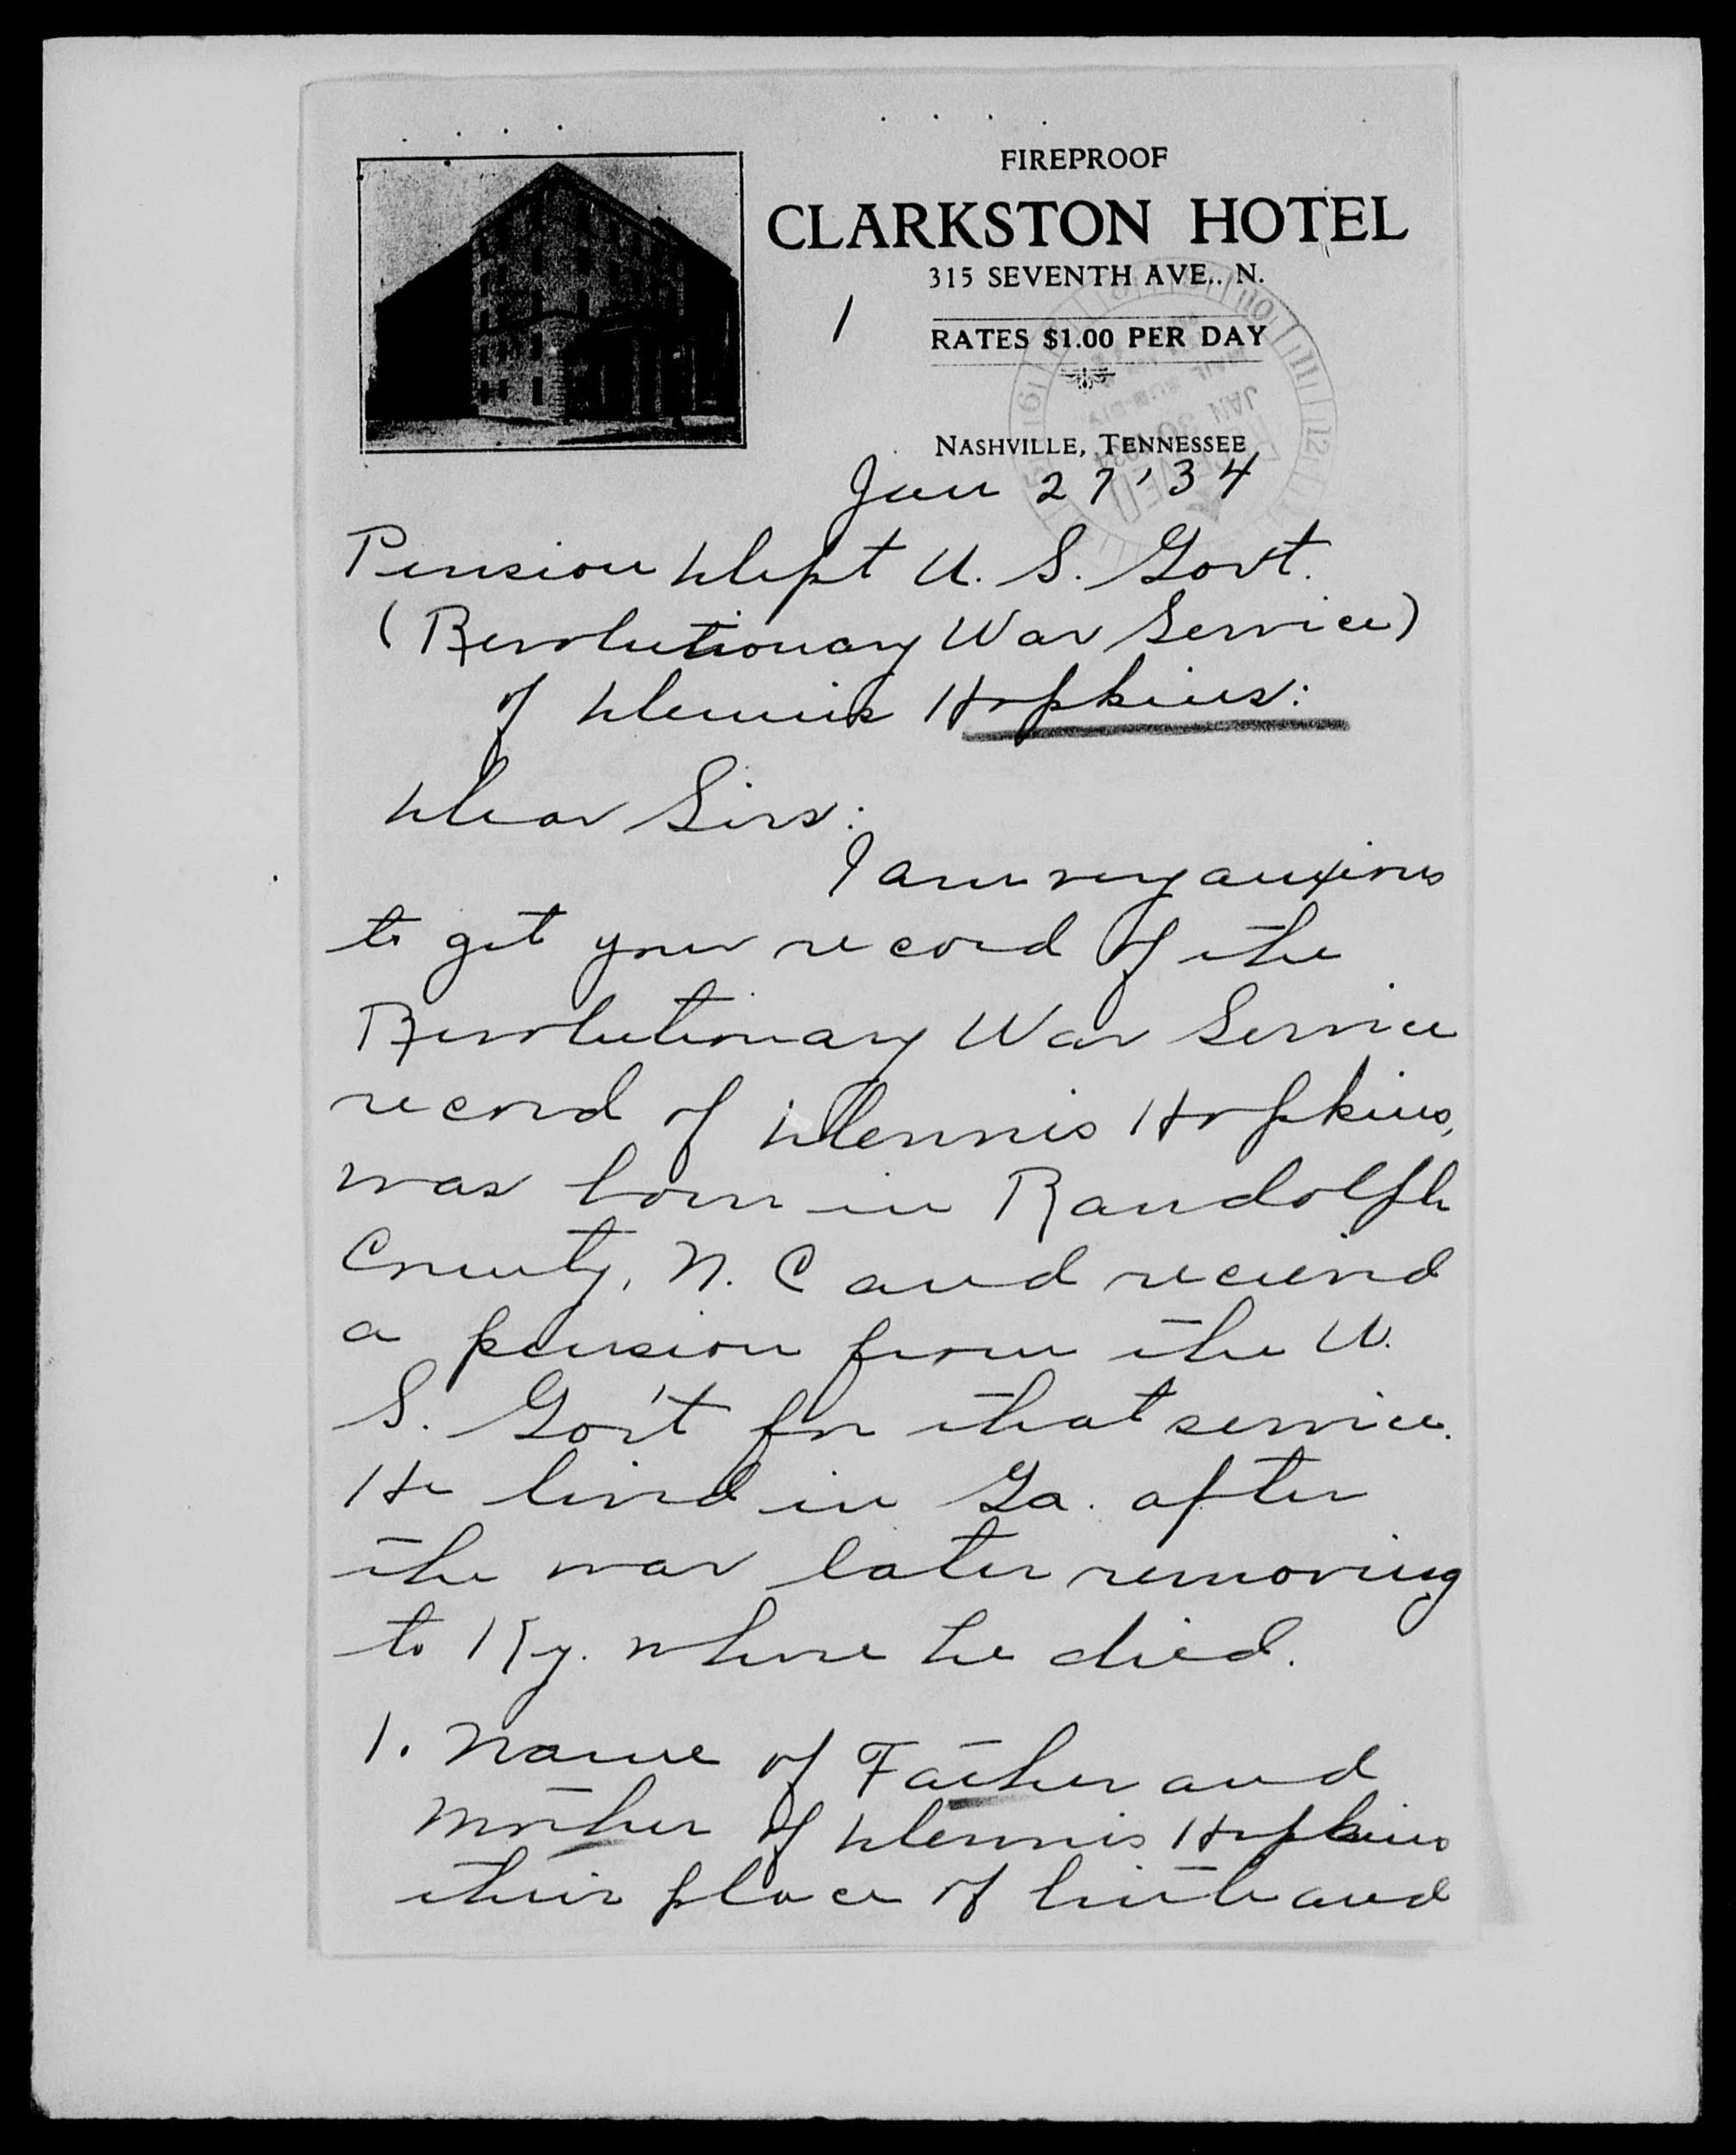FIREPROOF
CLARKSTON HOTEL
315 SEVENTH AVE., N.
1
RATES $1.00 PER DAY

NASHVILLE, TENNESSEE

June 27 '34

Pension Dept U.S. Govt. 
(Revolutionary Wat Service)
of Dennis Hopkins

Dear Sirs:

I am very anxious to get your record of the Revolutionary War Service record of Dennis Hopkins, was born in Randolph County, N.C. and received a pension from the U. S. Gov't for that service. He lived in Ga. after the war later moving to Ky. where he died. 
1. Name of Father and mother of Dennis Hopkins his place of birth and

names: Dennis Hopkins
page: 50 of 144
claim: rejected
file: R. 5208, Dennis Hopkins, N.C.